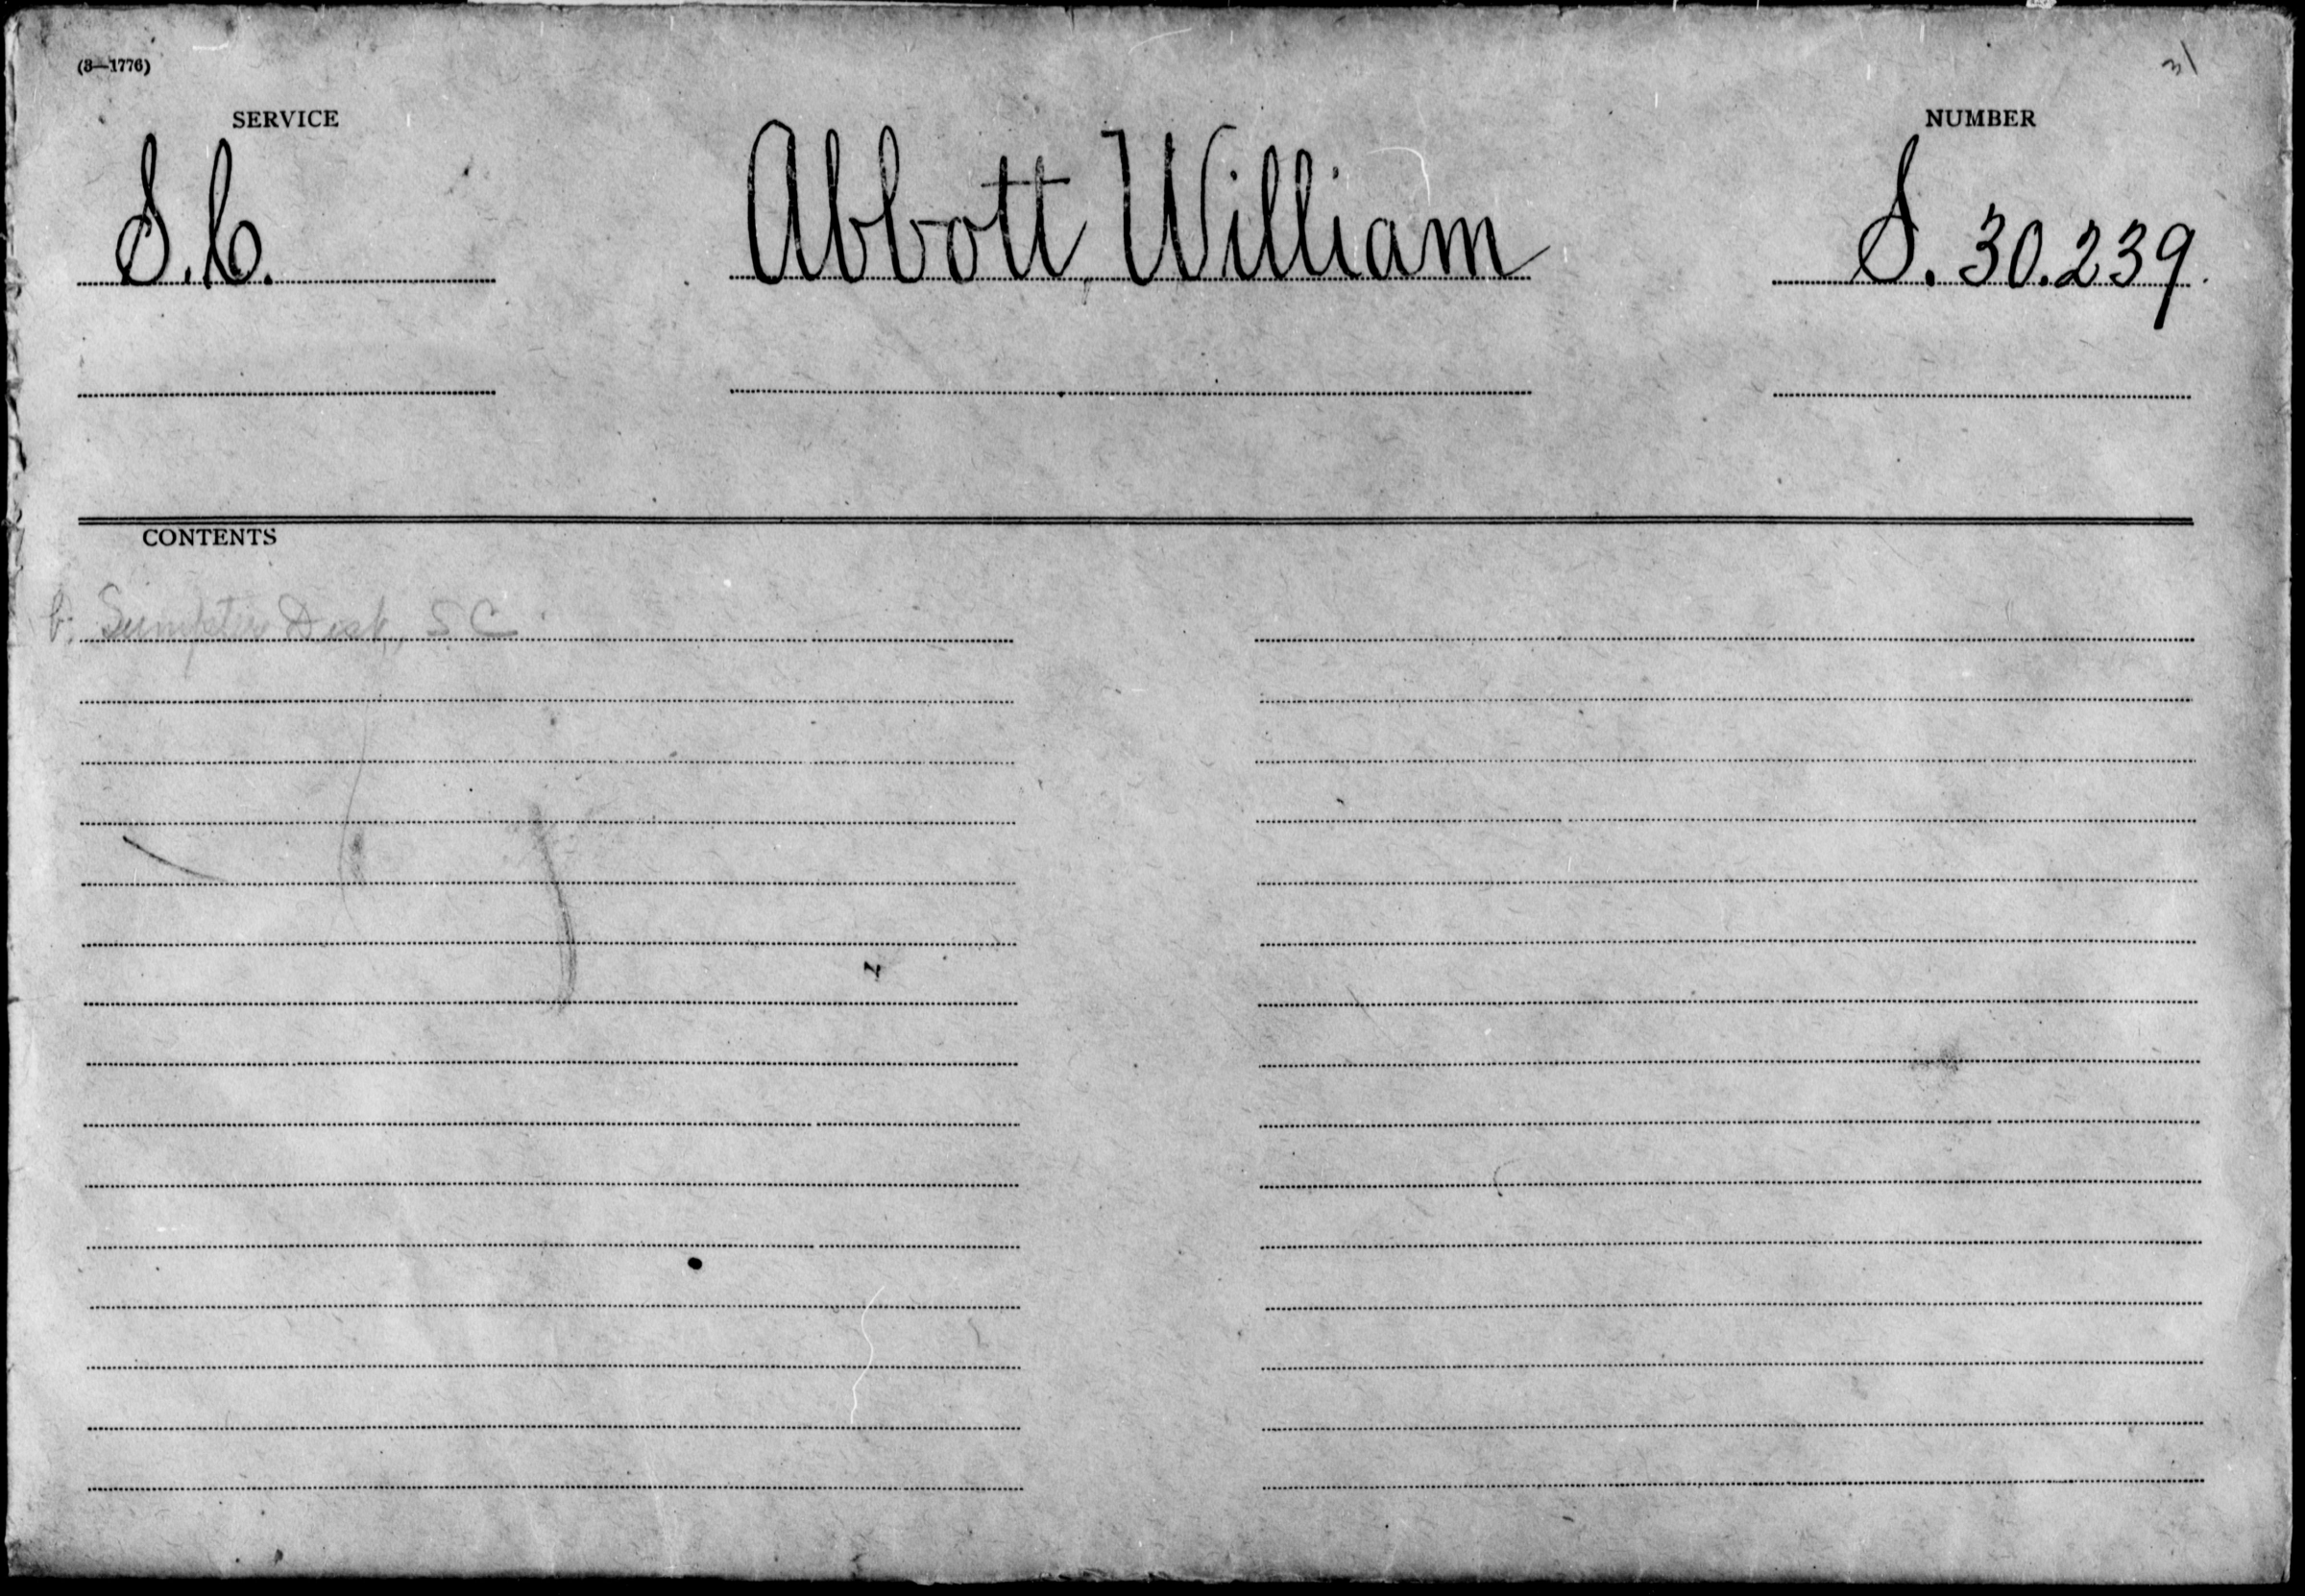(3-1776)
SERVICE
S.C.
Abbott, William
NUMBER
S. 30.239
CONTENTS
b. Sumpter Dist. S.C.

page: 1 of 38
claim: survivor's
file: S. 30. 239, William Abbott, S.C.